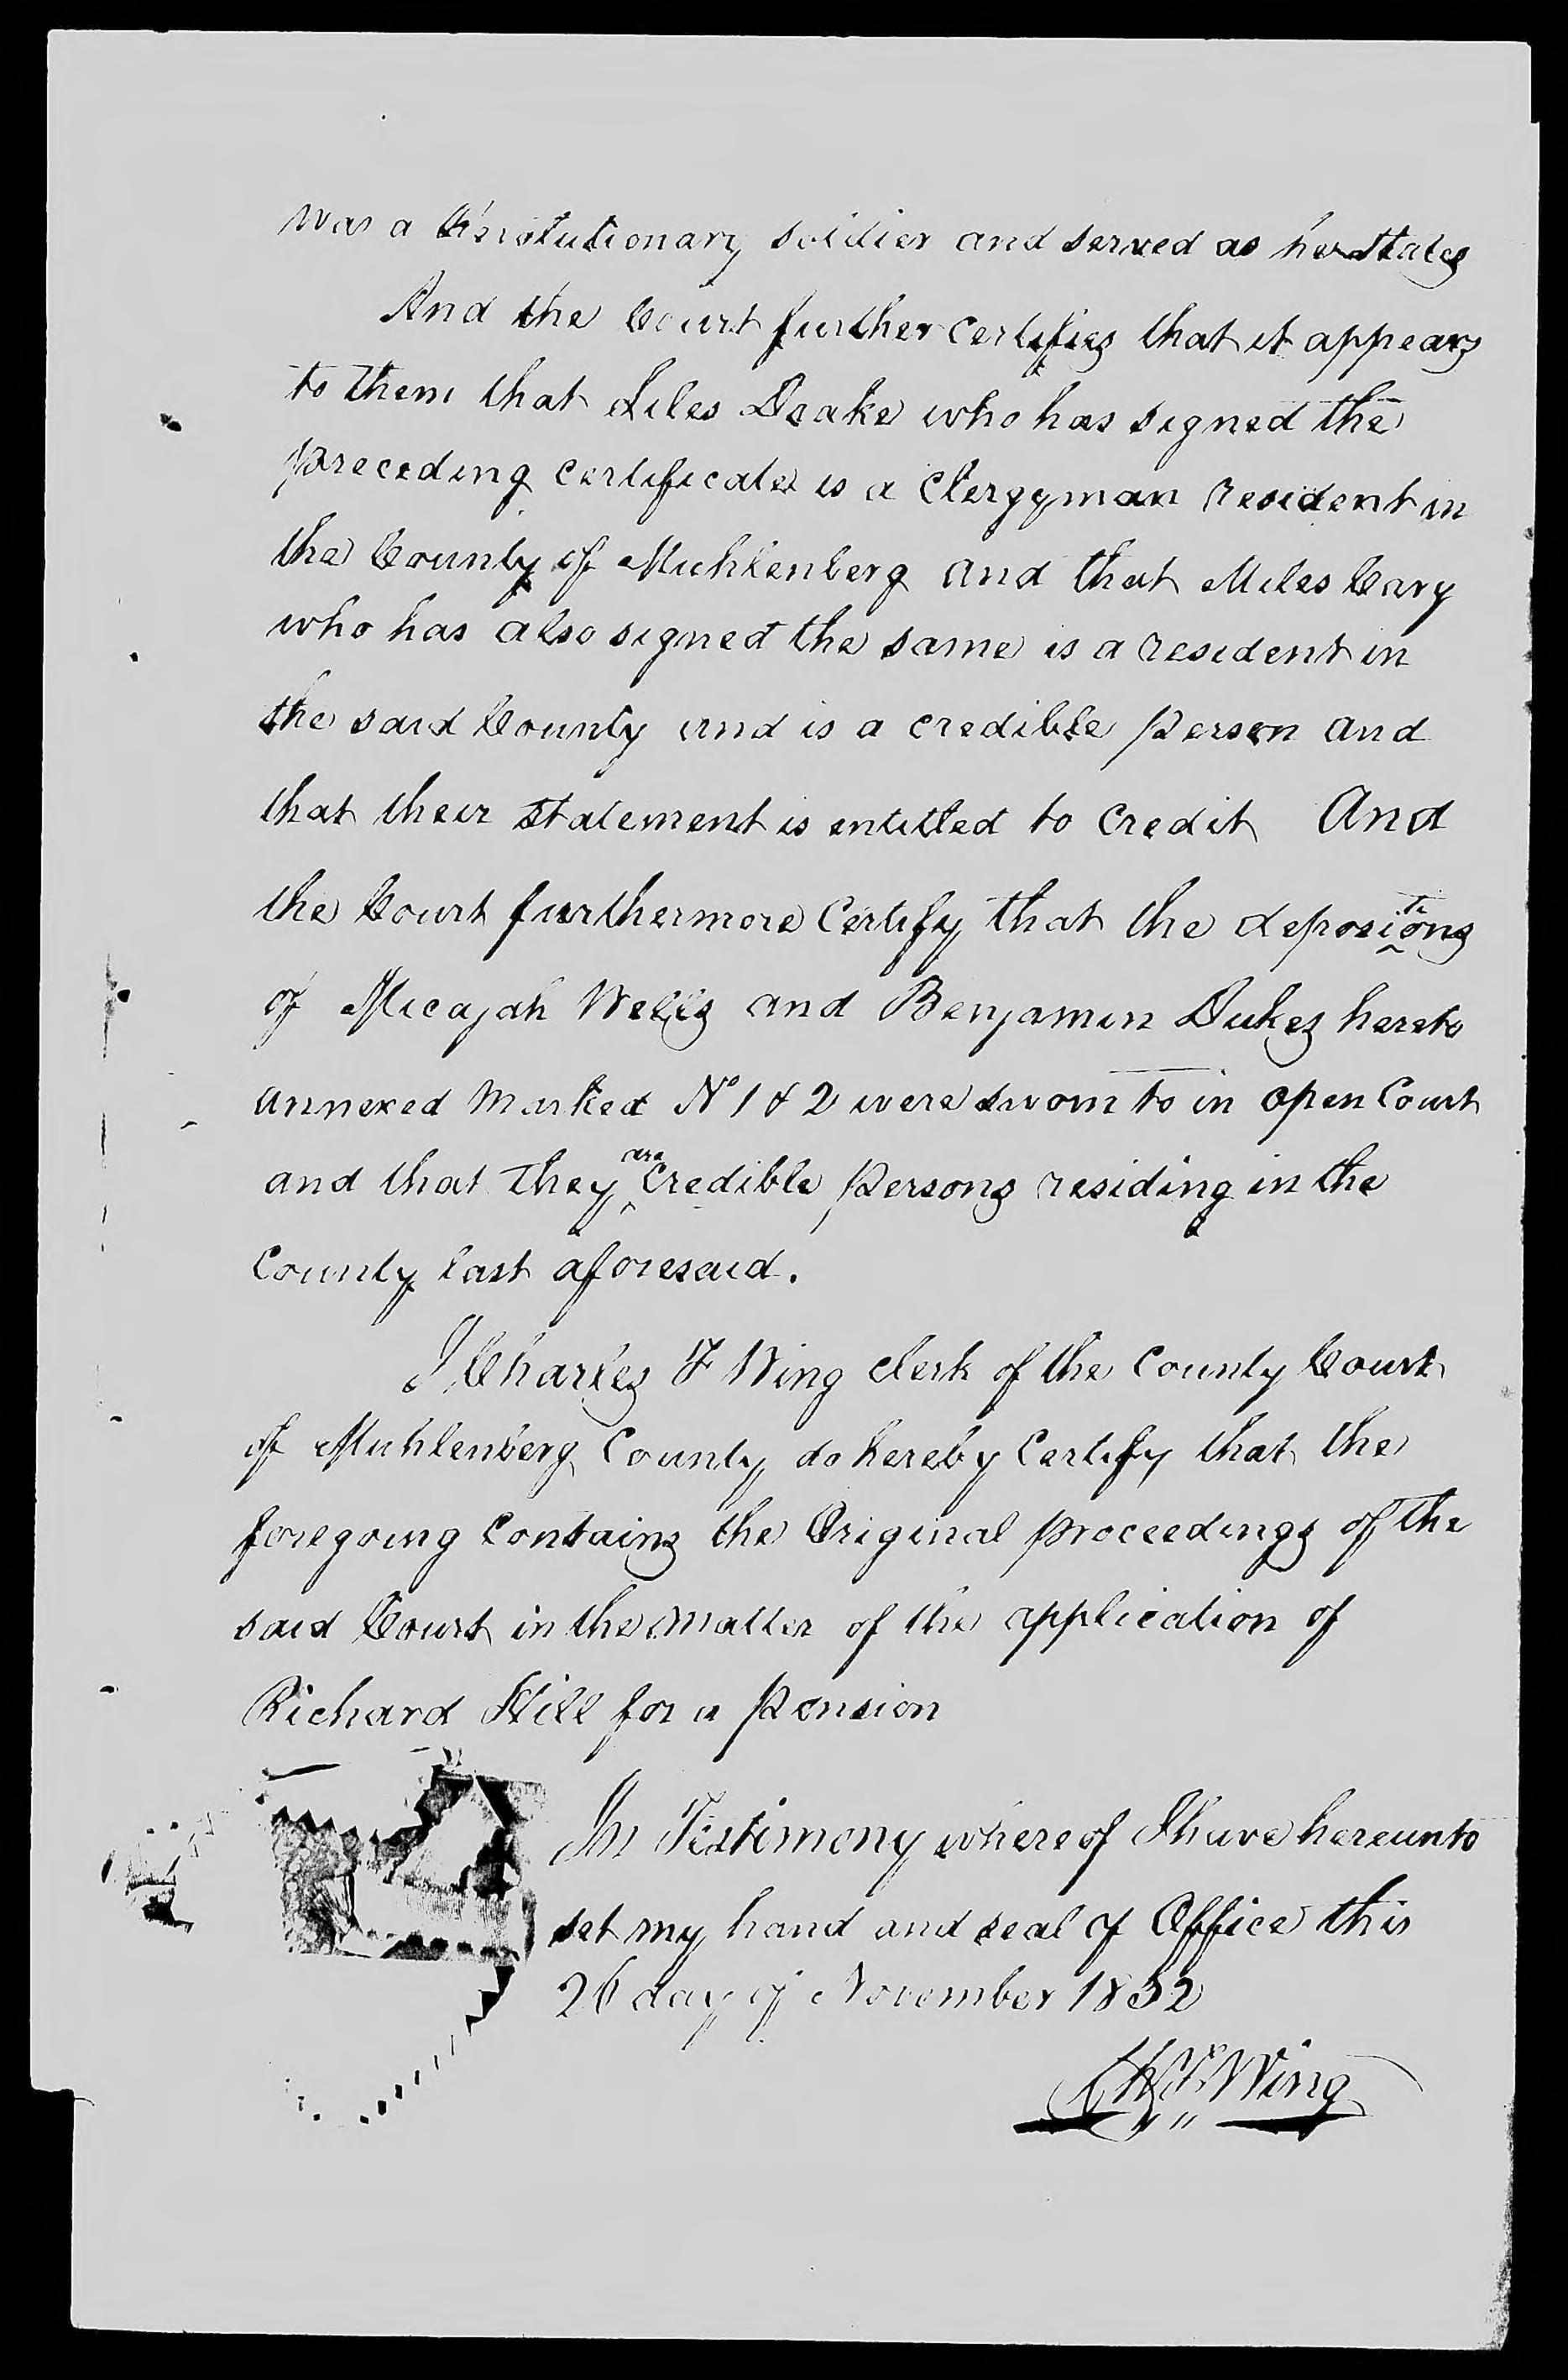was a revolutionary soldier and served as he states.

And the Court further certifies that it appears to them that Siles Drake who has signed the preceding certificate is a Clergyman resident in the County of Muhlenberg and that Miles Cary who has also signed the same is a resident in the said County and is a credible person and that their statement is entitled to credit And the Court furthermore certify that the depositions of Micajah Wells and Benjamin Dukes hereto annexed marked No 1 & 2 were sworn to in open Court and that they [^ are] credible persons residing in the County last aforesaid.

I Charles F Wing Clerk of the County Court of Muhlenberg County do hereby certify that the foregoing contains the Original proceedings of the said Court in the matter of the application of Richard Hill for a pension.

In Testimony whereof I have hereunto set my hand and seal of Office this 26 day of November 1832

C F Wing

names: Richard Hill, Siles Drake, Benjamin Dukes, Ch F Wing, Micajah Wells, Charles F Wing, Miles Cary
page: 6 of 27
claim: rejected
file: R. 5006, Richard Hill, N.C.